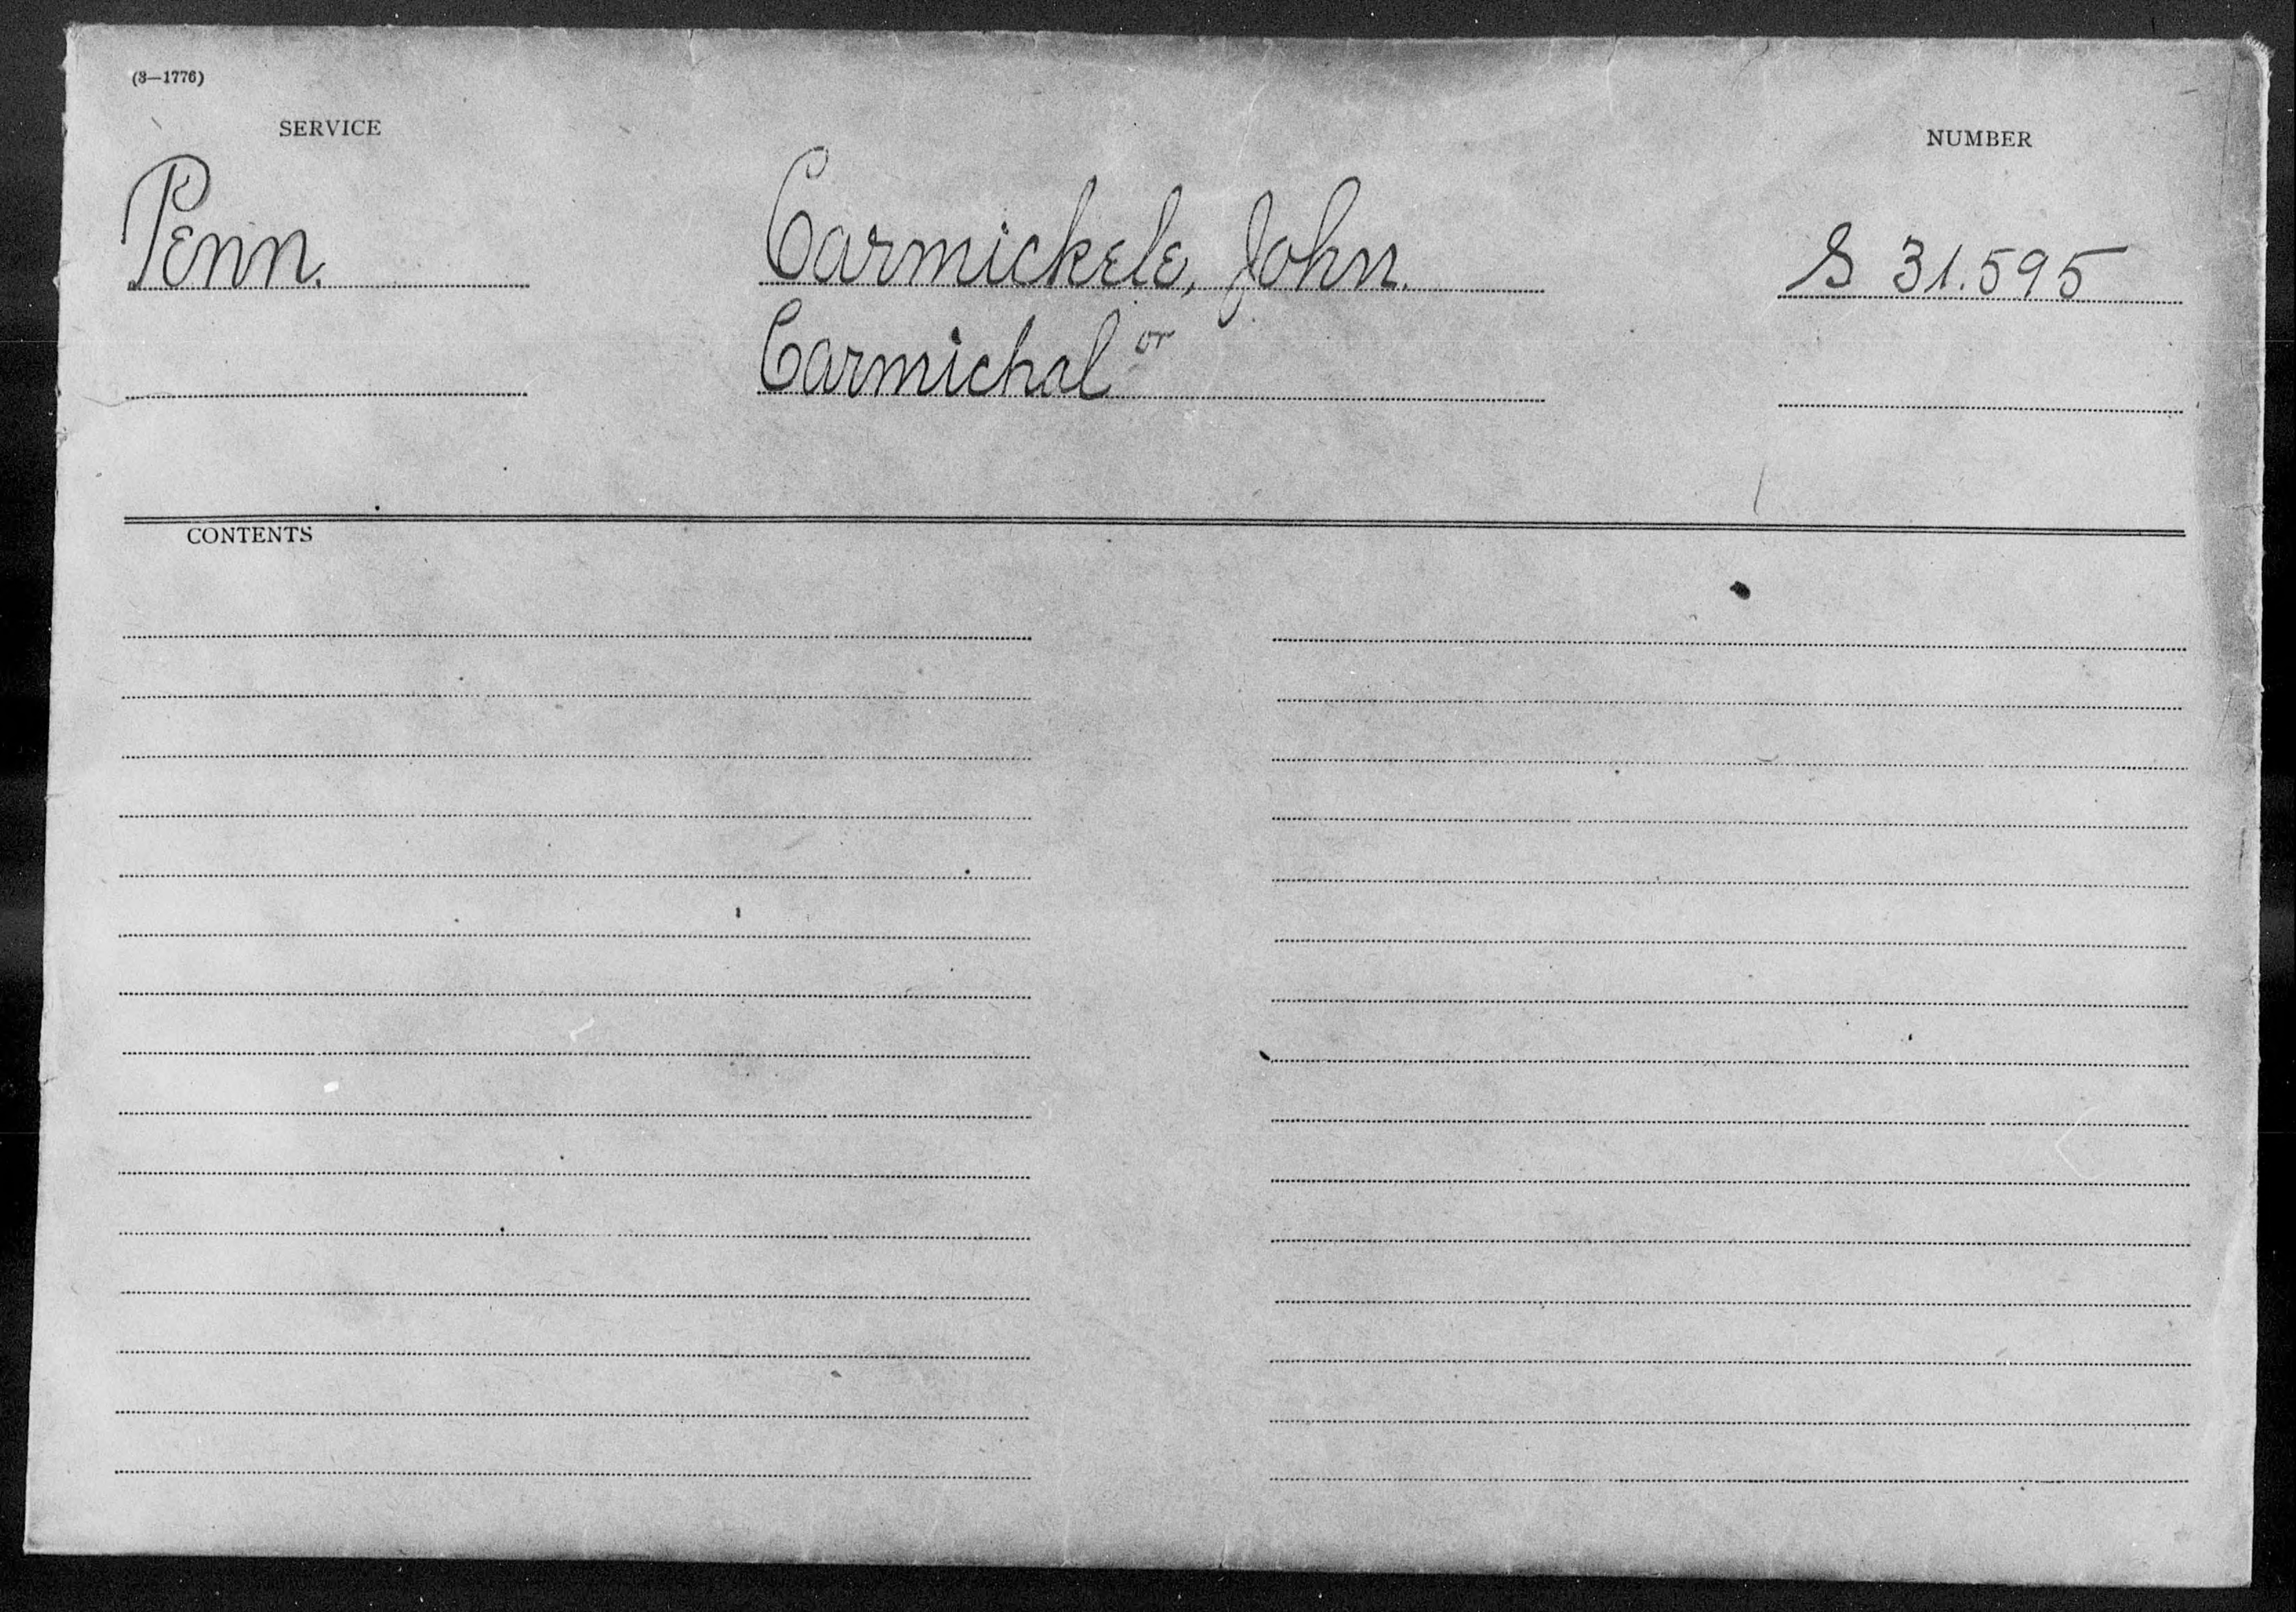(8-1776)
Service
Penn.

Carmickele, John
or 
Carmichal

Number
S31.595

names: John Carmichal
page: 1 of 42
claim: survivor's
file: S. 31,595, John Carmickele, Penn.